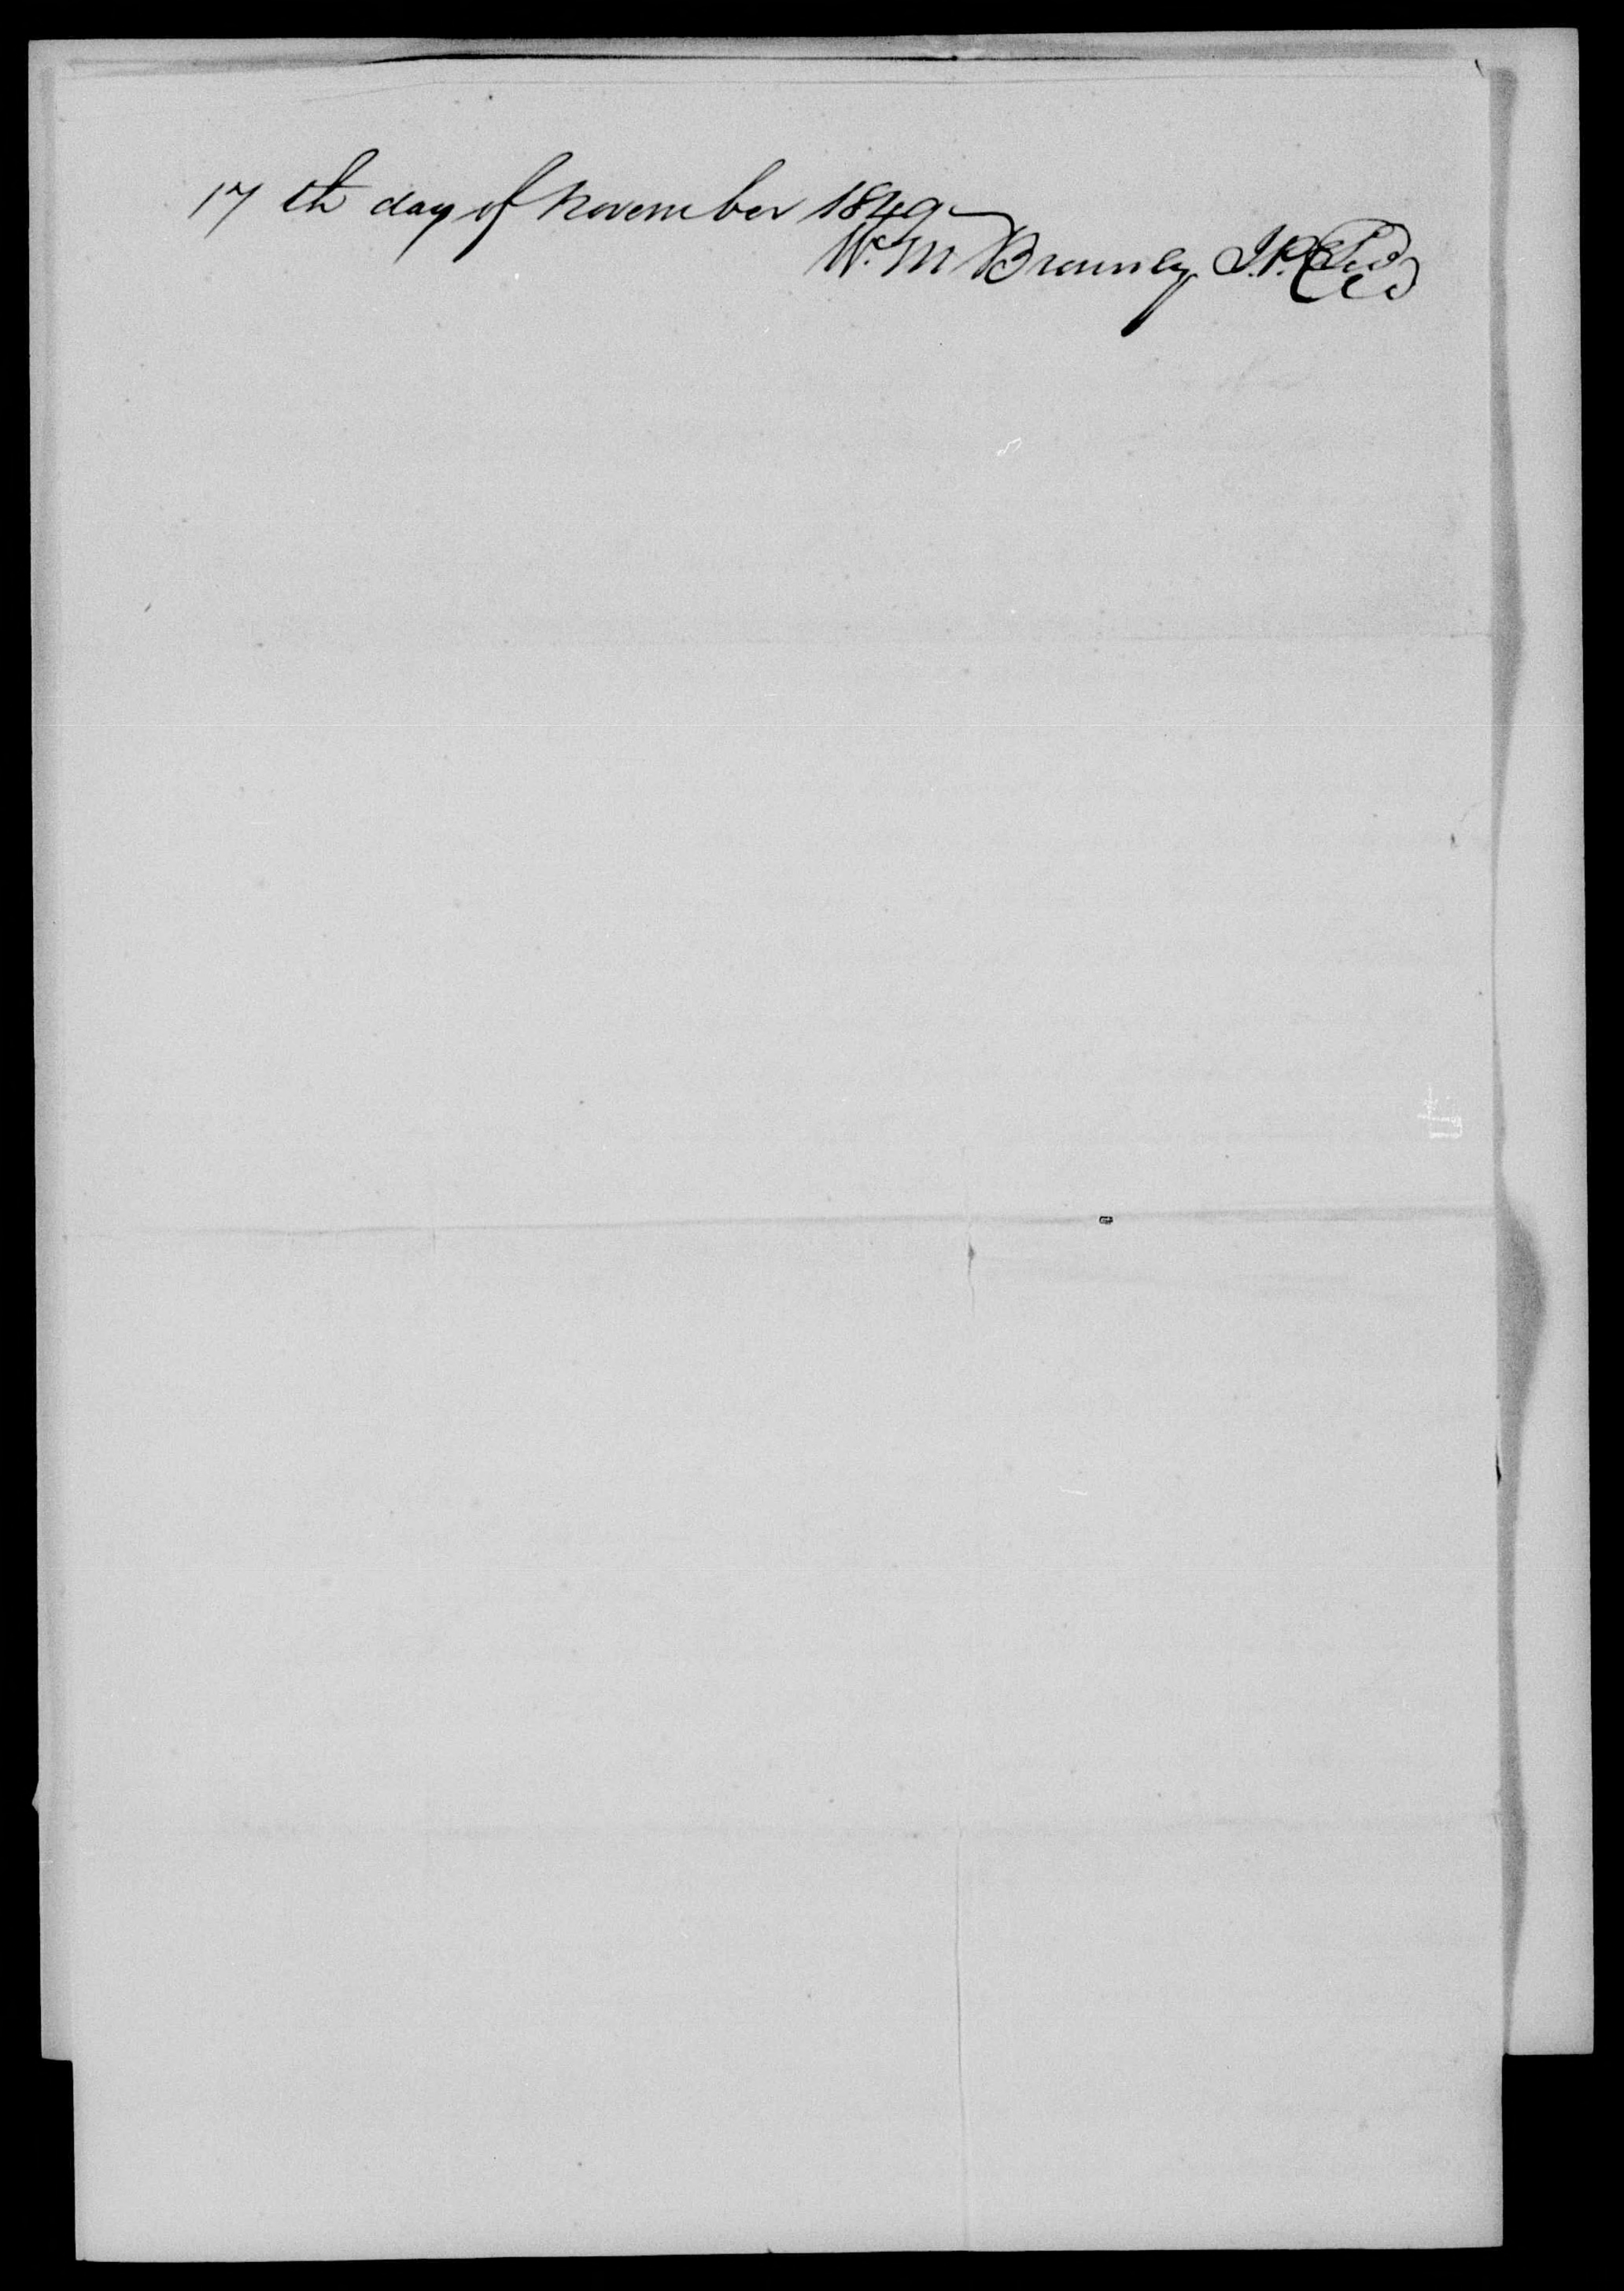17th day of November 1849
W. M Brownly J. P. Seal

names: W M Brownly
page: 17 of 30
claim: rejected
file: R. 16,555, for Thomas Morris, Georgia